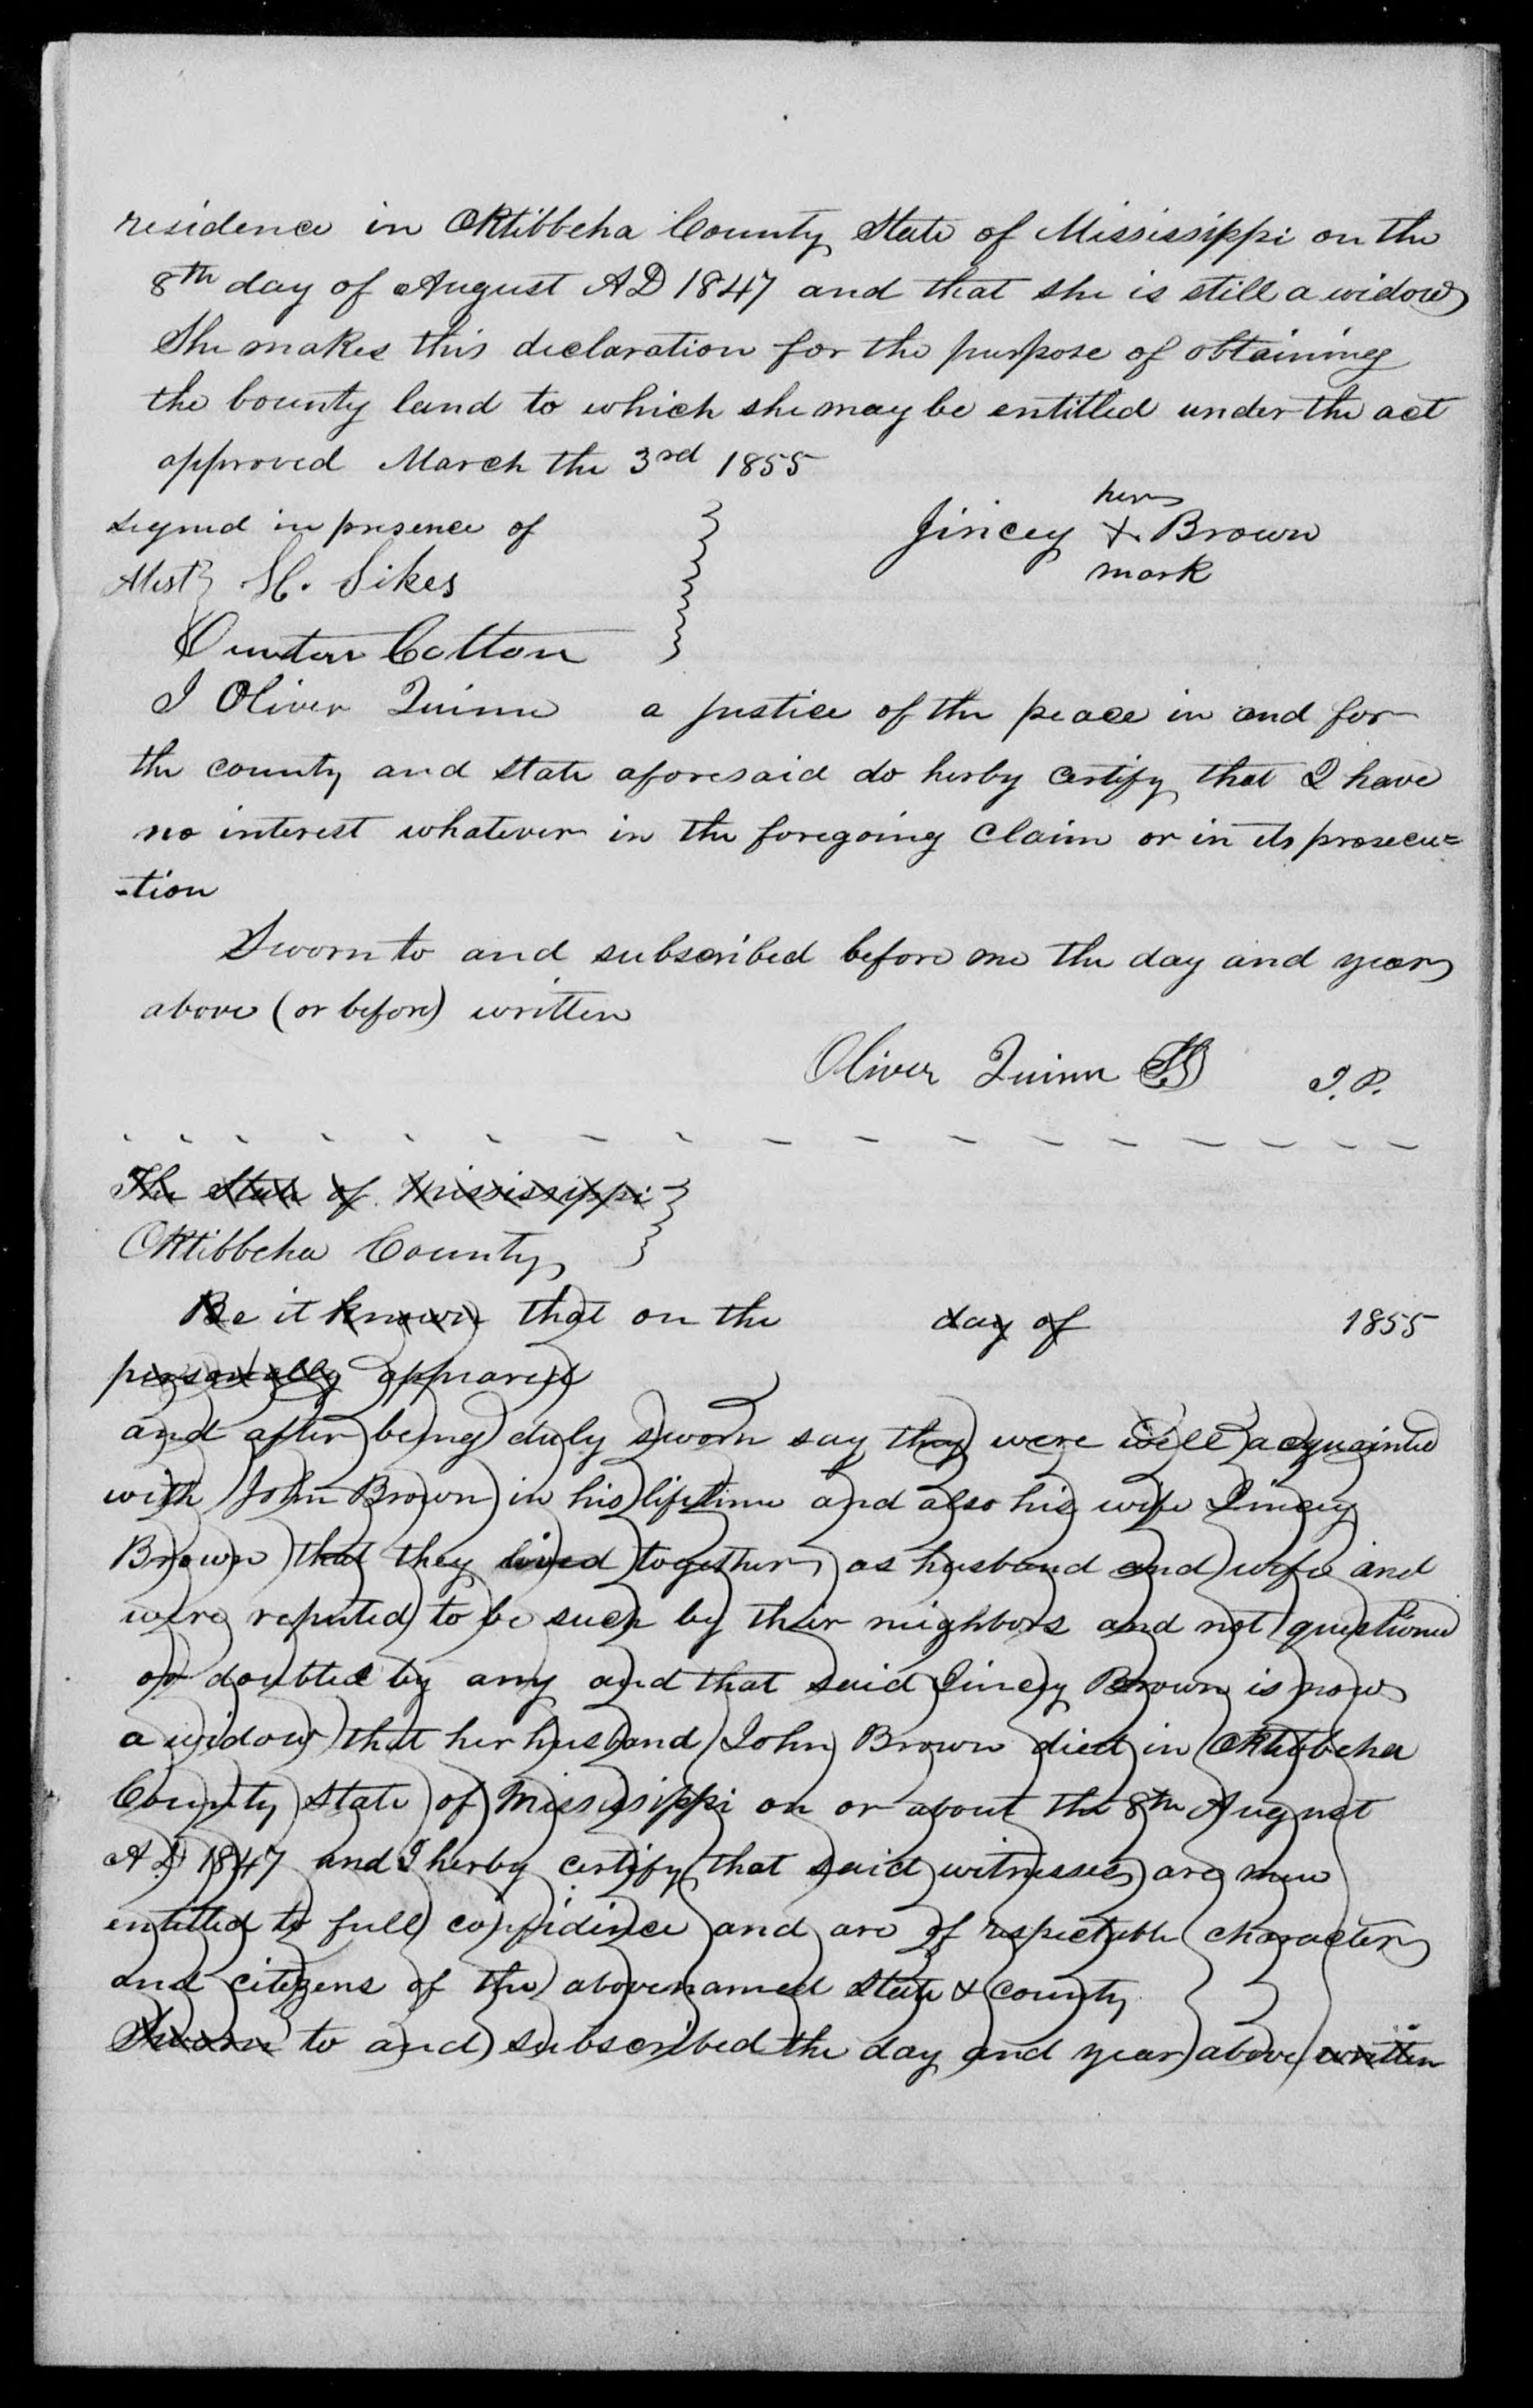residence in Oktibbeha County State of Mississippi on the 8th day of August AD 1847 and that she is still a widow. She makes this declaration for the purpose of obtaining the bounty land to which she may be entitled under the act approved March the 3rd 1855

Jincey Brown
her X mark

Signed in the presence of
{illegible} H. Sikes
{illegible} Cotton
J Oliver Quinn a justice of the peace in and for the county and state aforesaid do hereby certify that I have no interest whatever in the foregoing claim or in the prosecution

Sworn to and subscribed before one the day and year above (or before) written

Oliver Quinn        J.P.

Oktibbeha County,
X it X X on the X X 1855
{Text struck through}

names: Oliver Quinn, John Brown, John Brown, Oliver Quinn, Jincey Brown, Jincey Brown, Jincey Brown, H Sikes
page: 16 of 85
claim: widow's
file: W. 5,906, John Brown, S.C.